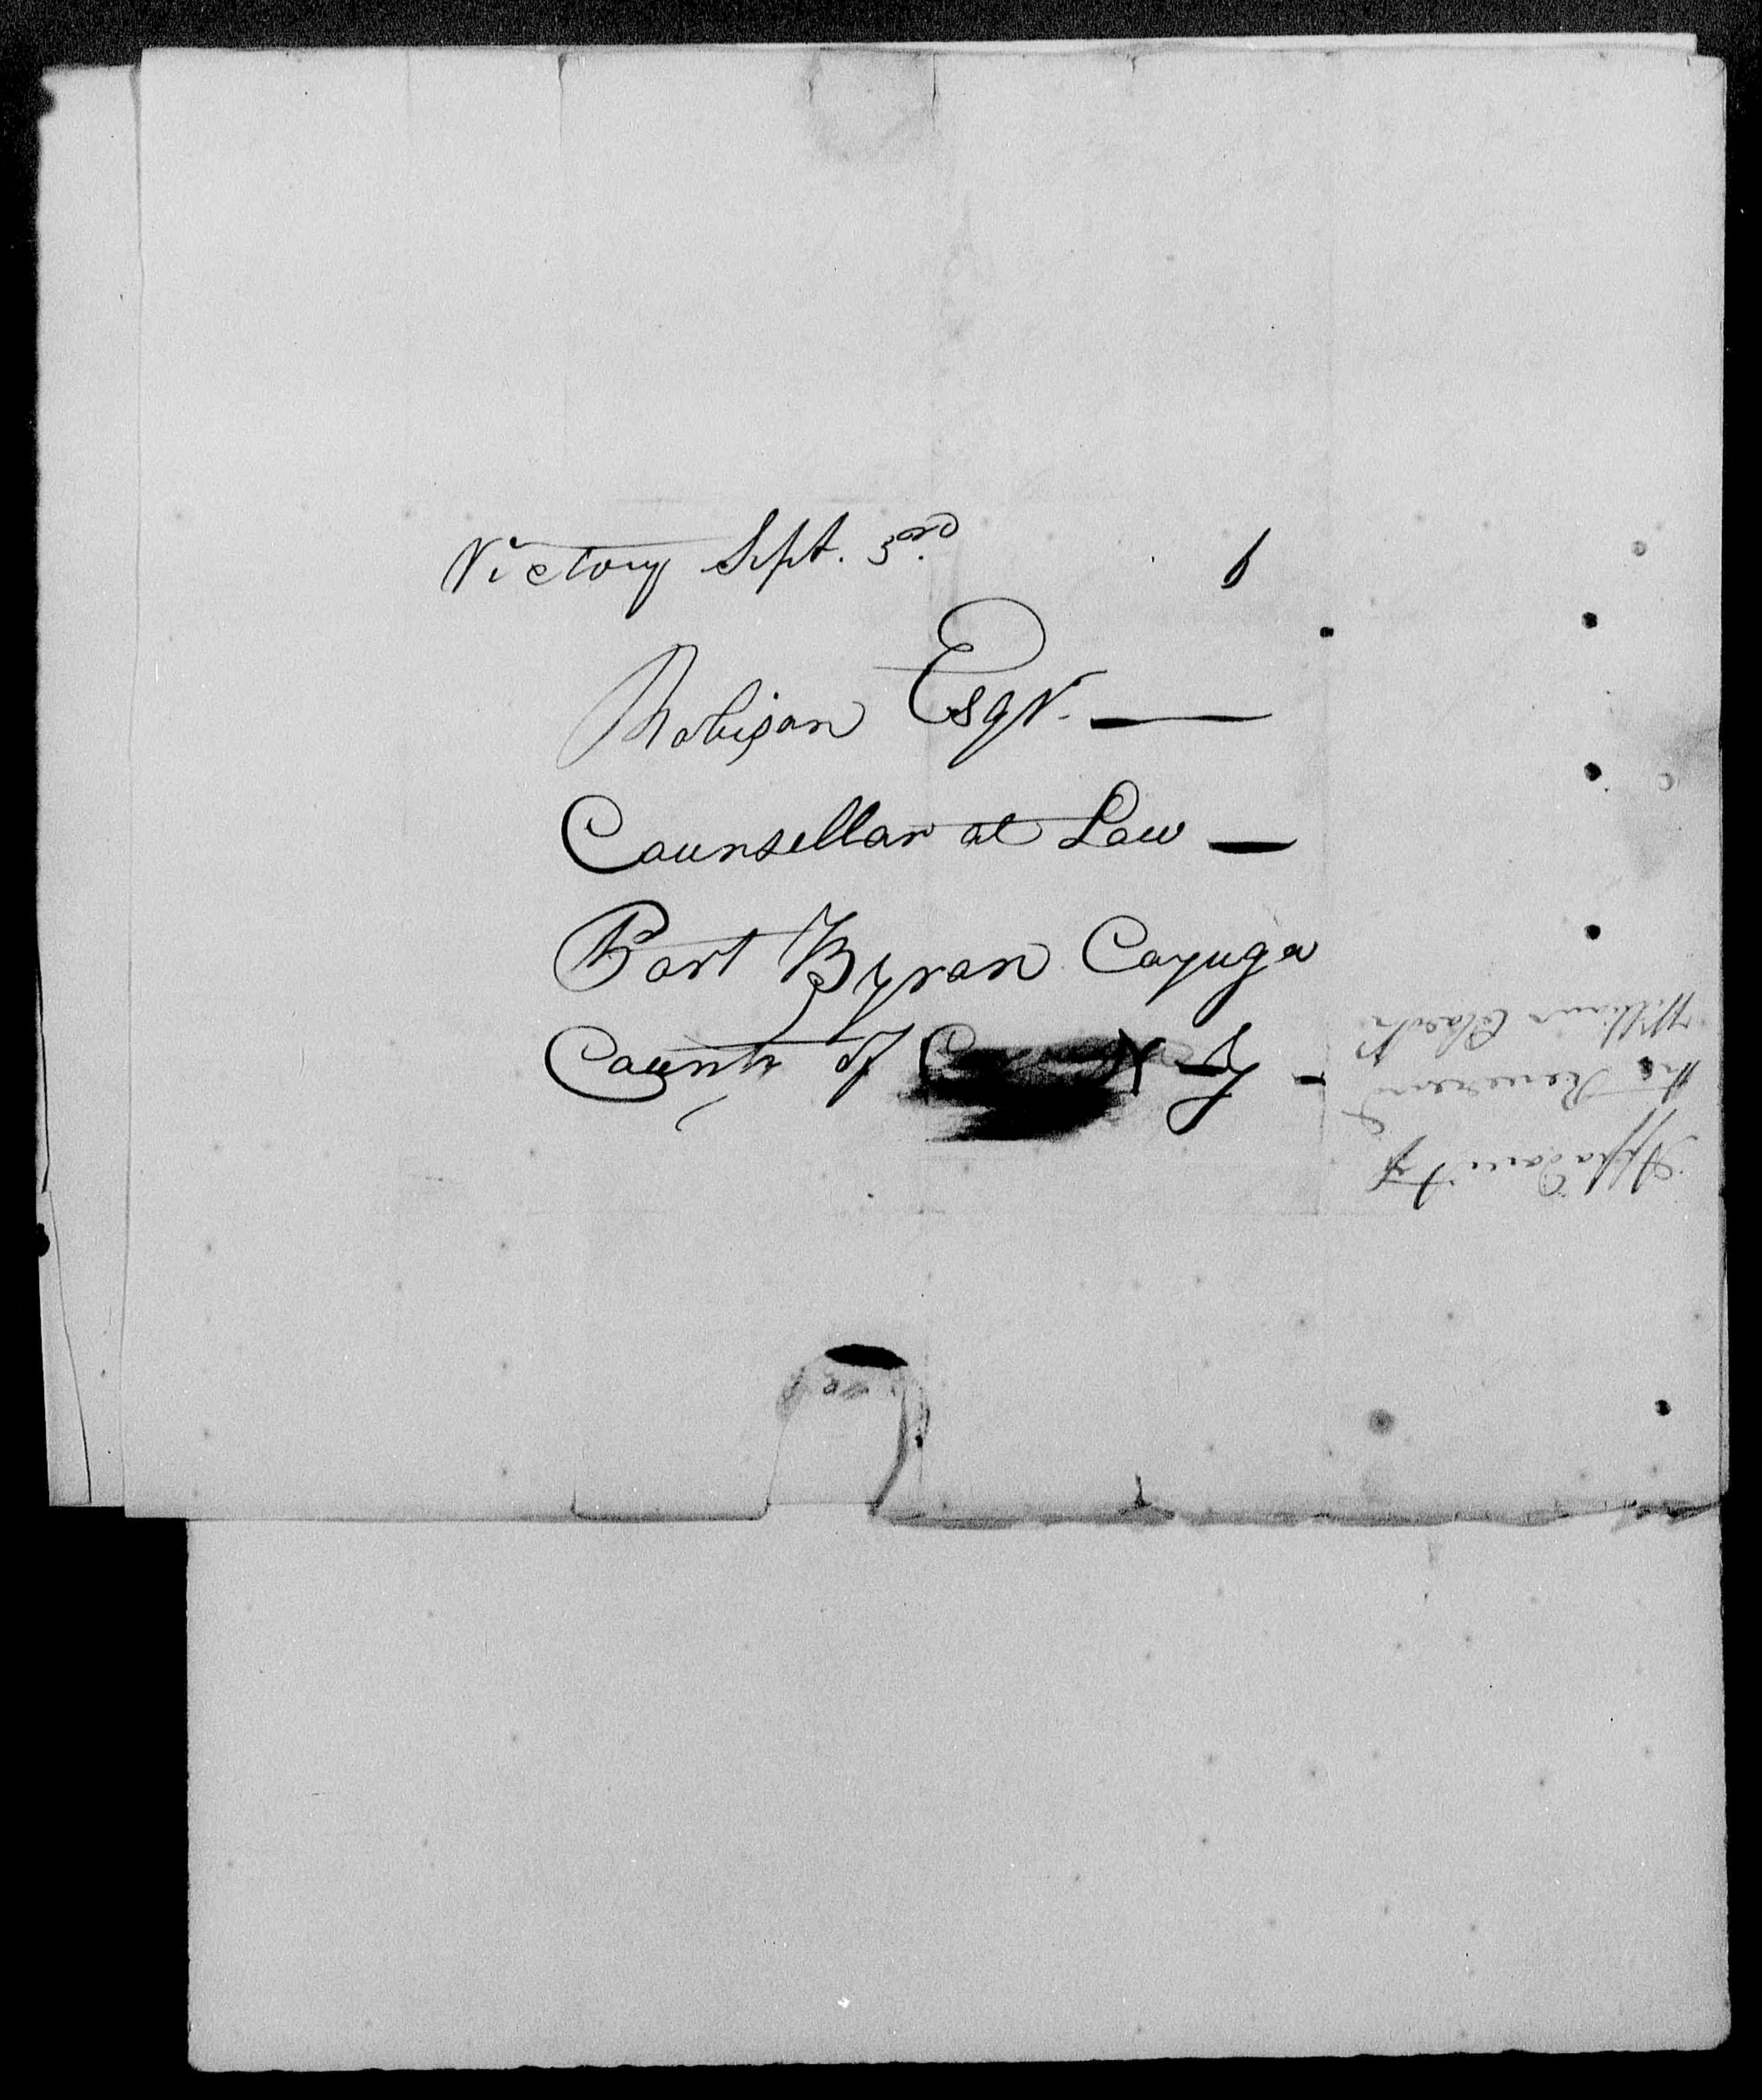Victor Sept 3rd
Robinso Esq
Counsellar at Law
Port Byron Cayuga county of NY
 upside down: 
affidavit of Reverend William Clark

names: Port Byron, Robinson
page: 17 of 26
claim: survivor's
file: S. 12,291, Jesse Brewster, New York